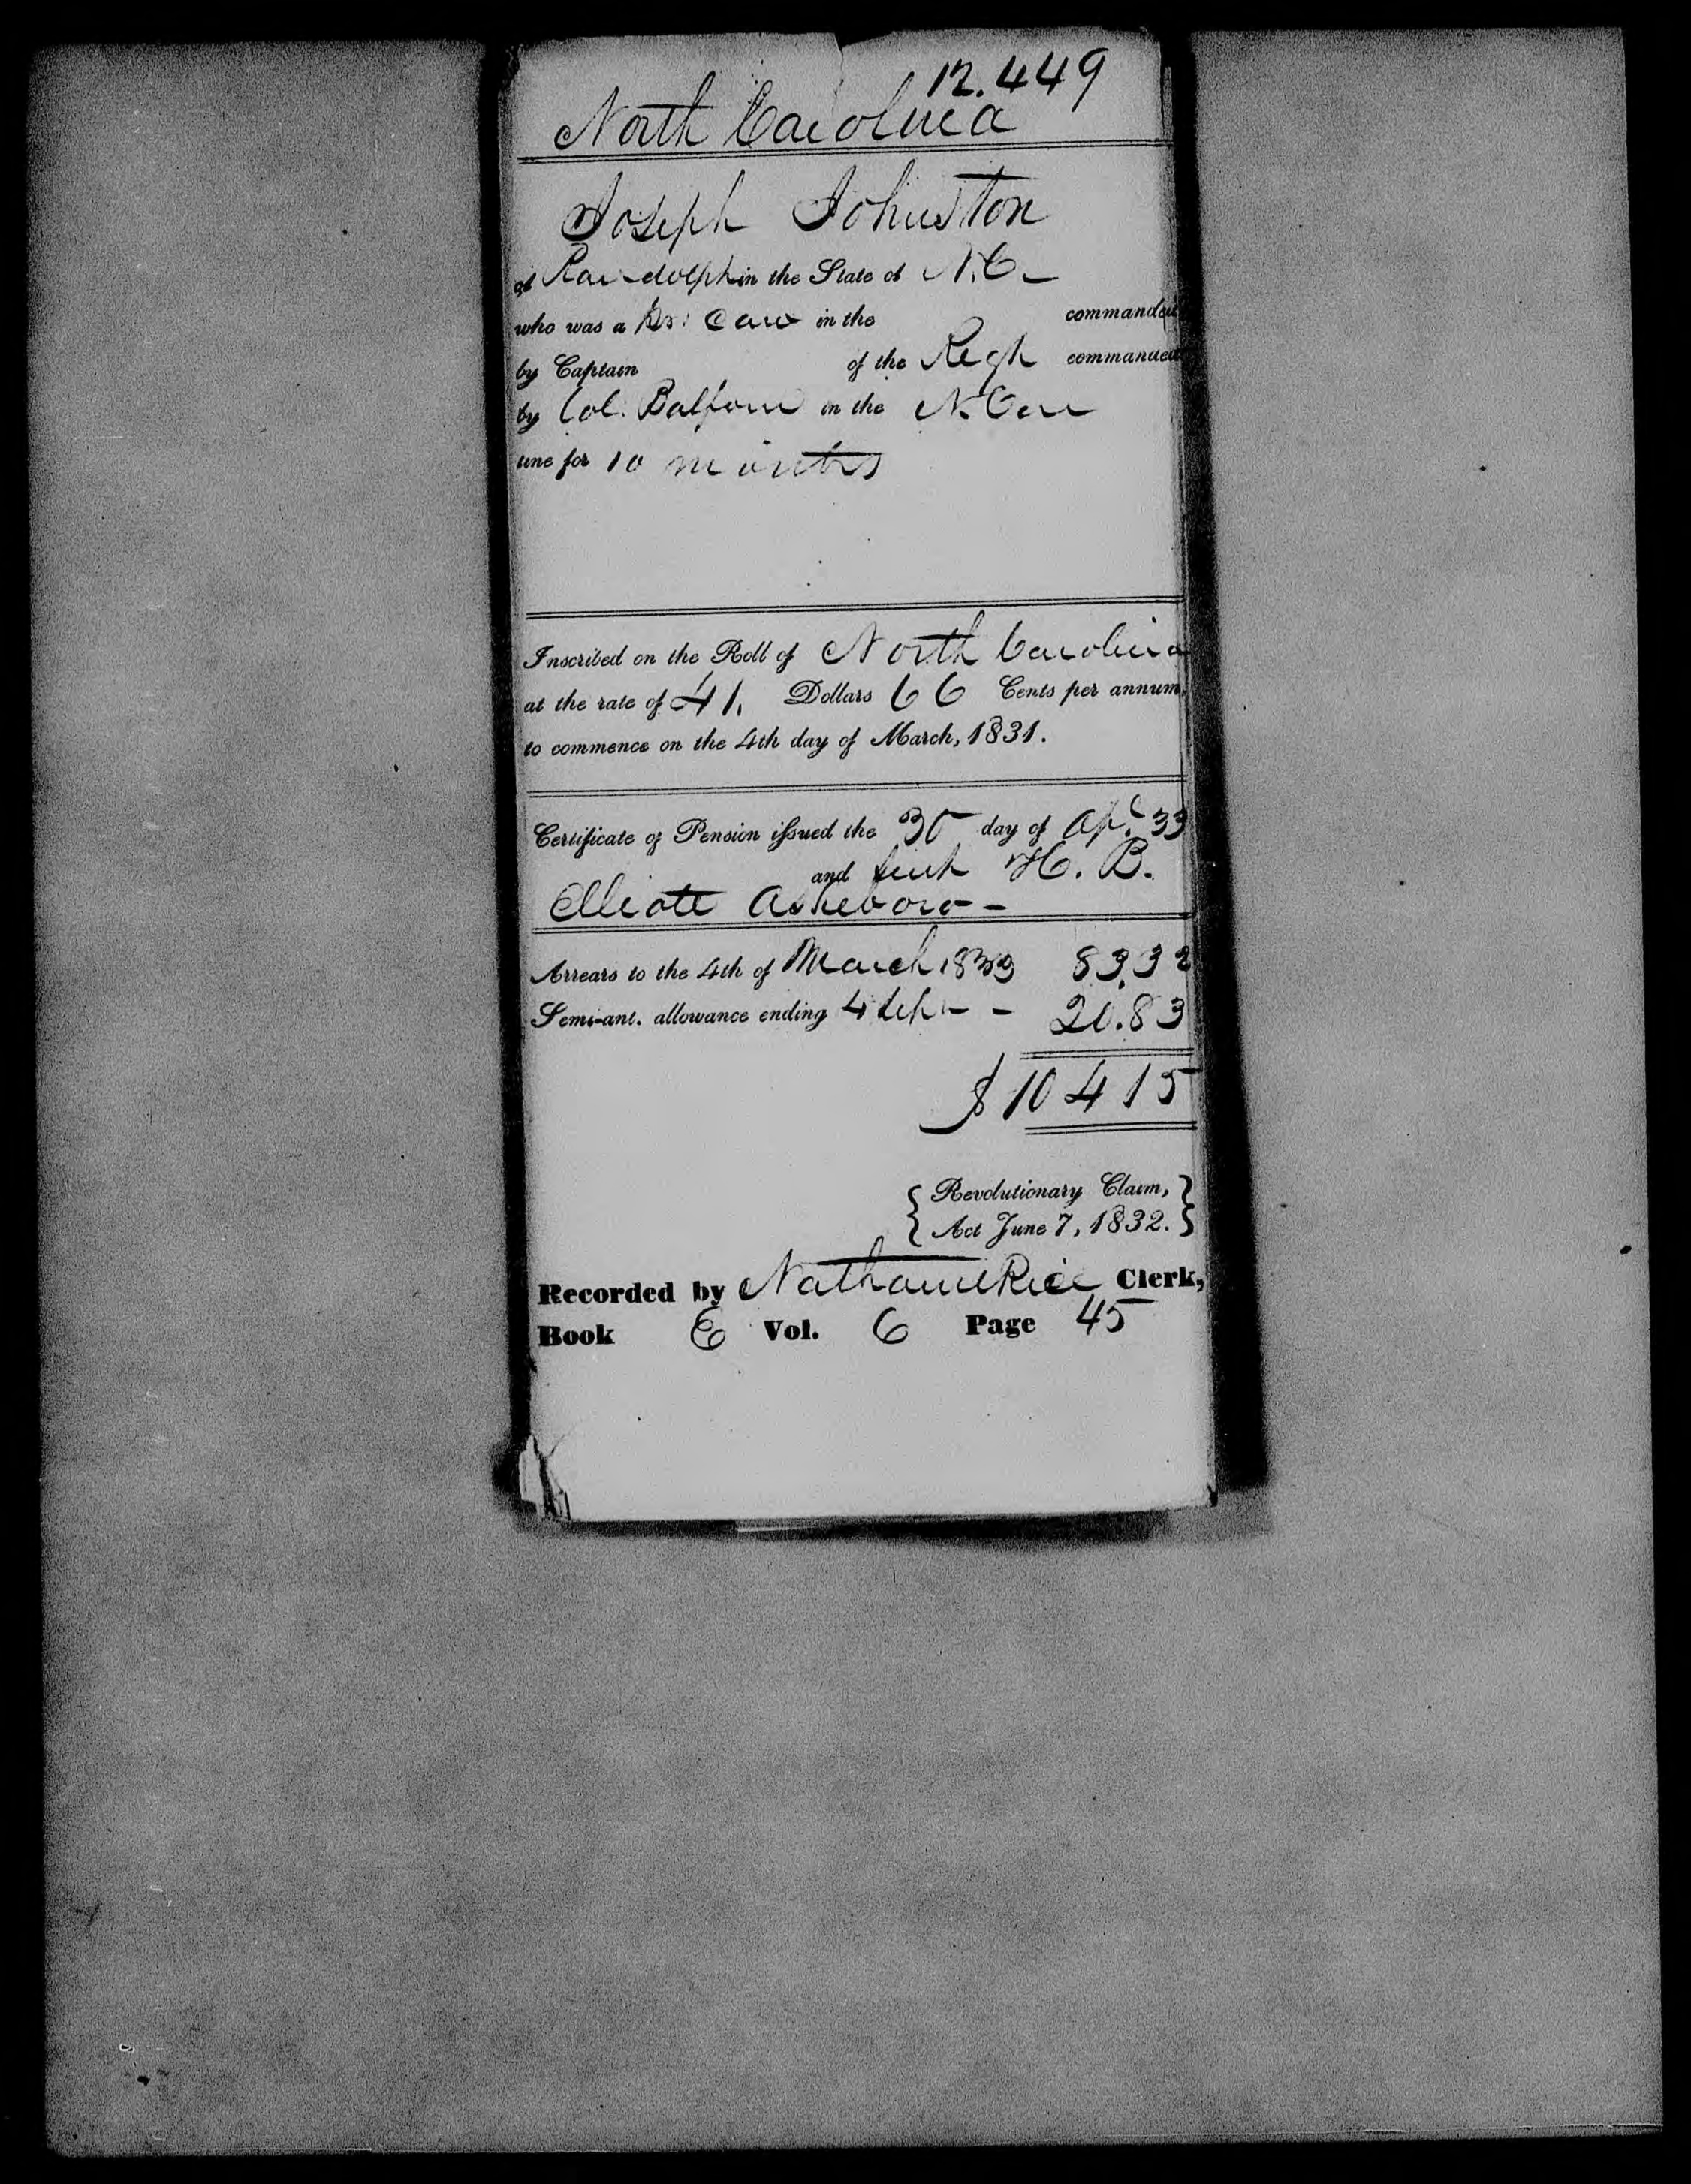[typed form, with handwritten responses]

12,449
North Carolina
Joseph Johnston
of Randolph in the State of N. C. who was a pr [private] cav [calvary] in the [blank] commanded by Captain [blank] of the Regt. commanded by Col. Balfour in the N. Car. line for 10 months

Inscribed on the Roll of North Carolina
at the rate of 41. Dollars 66 Cents per annum,
to commence on the 4th day of March 1831.

Certificate of Pension issued the 30 day of Apl. [April] ‘33 and sent to Elliott Asheboro

Arrears to the 4th of March 1833        83.32
Semi=anl. [annual] allowance ending 4 Sept. – 20.83
$104.15

{Revolutionary Claim}
{Act June 7, 1832}

Recorded by Nathaniel Rice, Clerk
Book E Vol. 6 Page 45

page: 2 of 41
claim: widow's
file: W. 5033, for Joseph Johnston, North Carolina